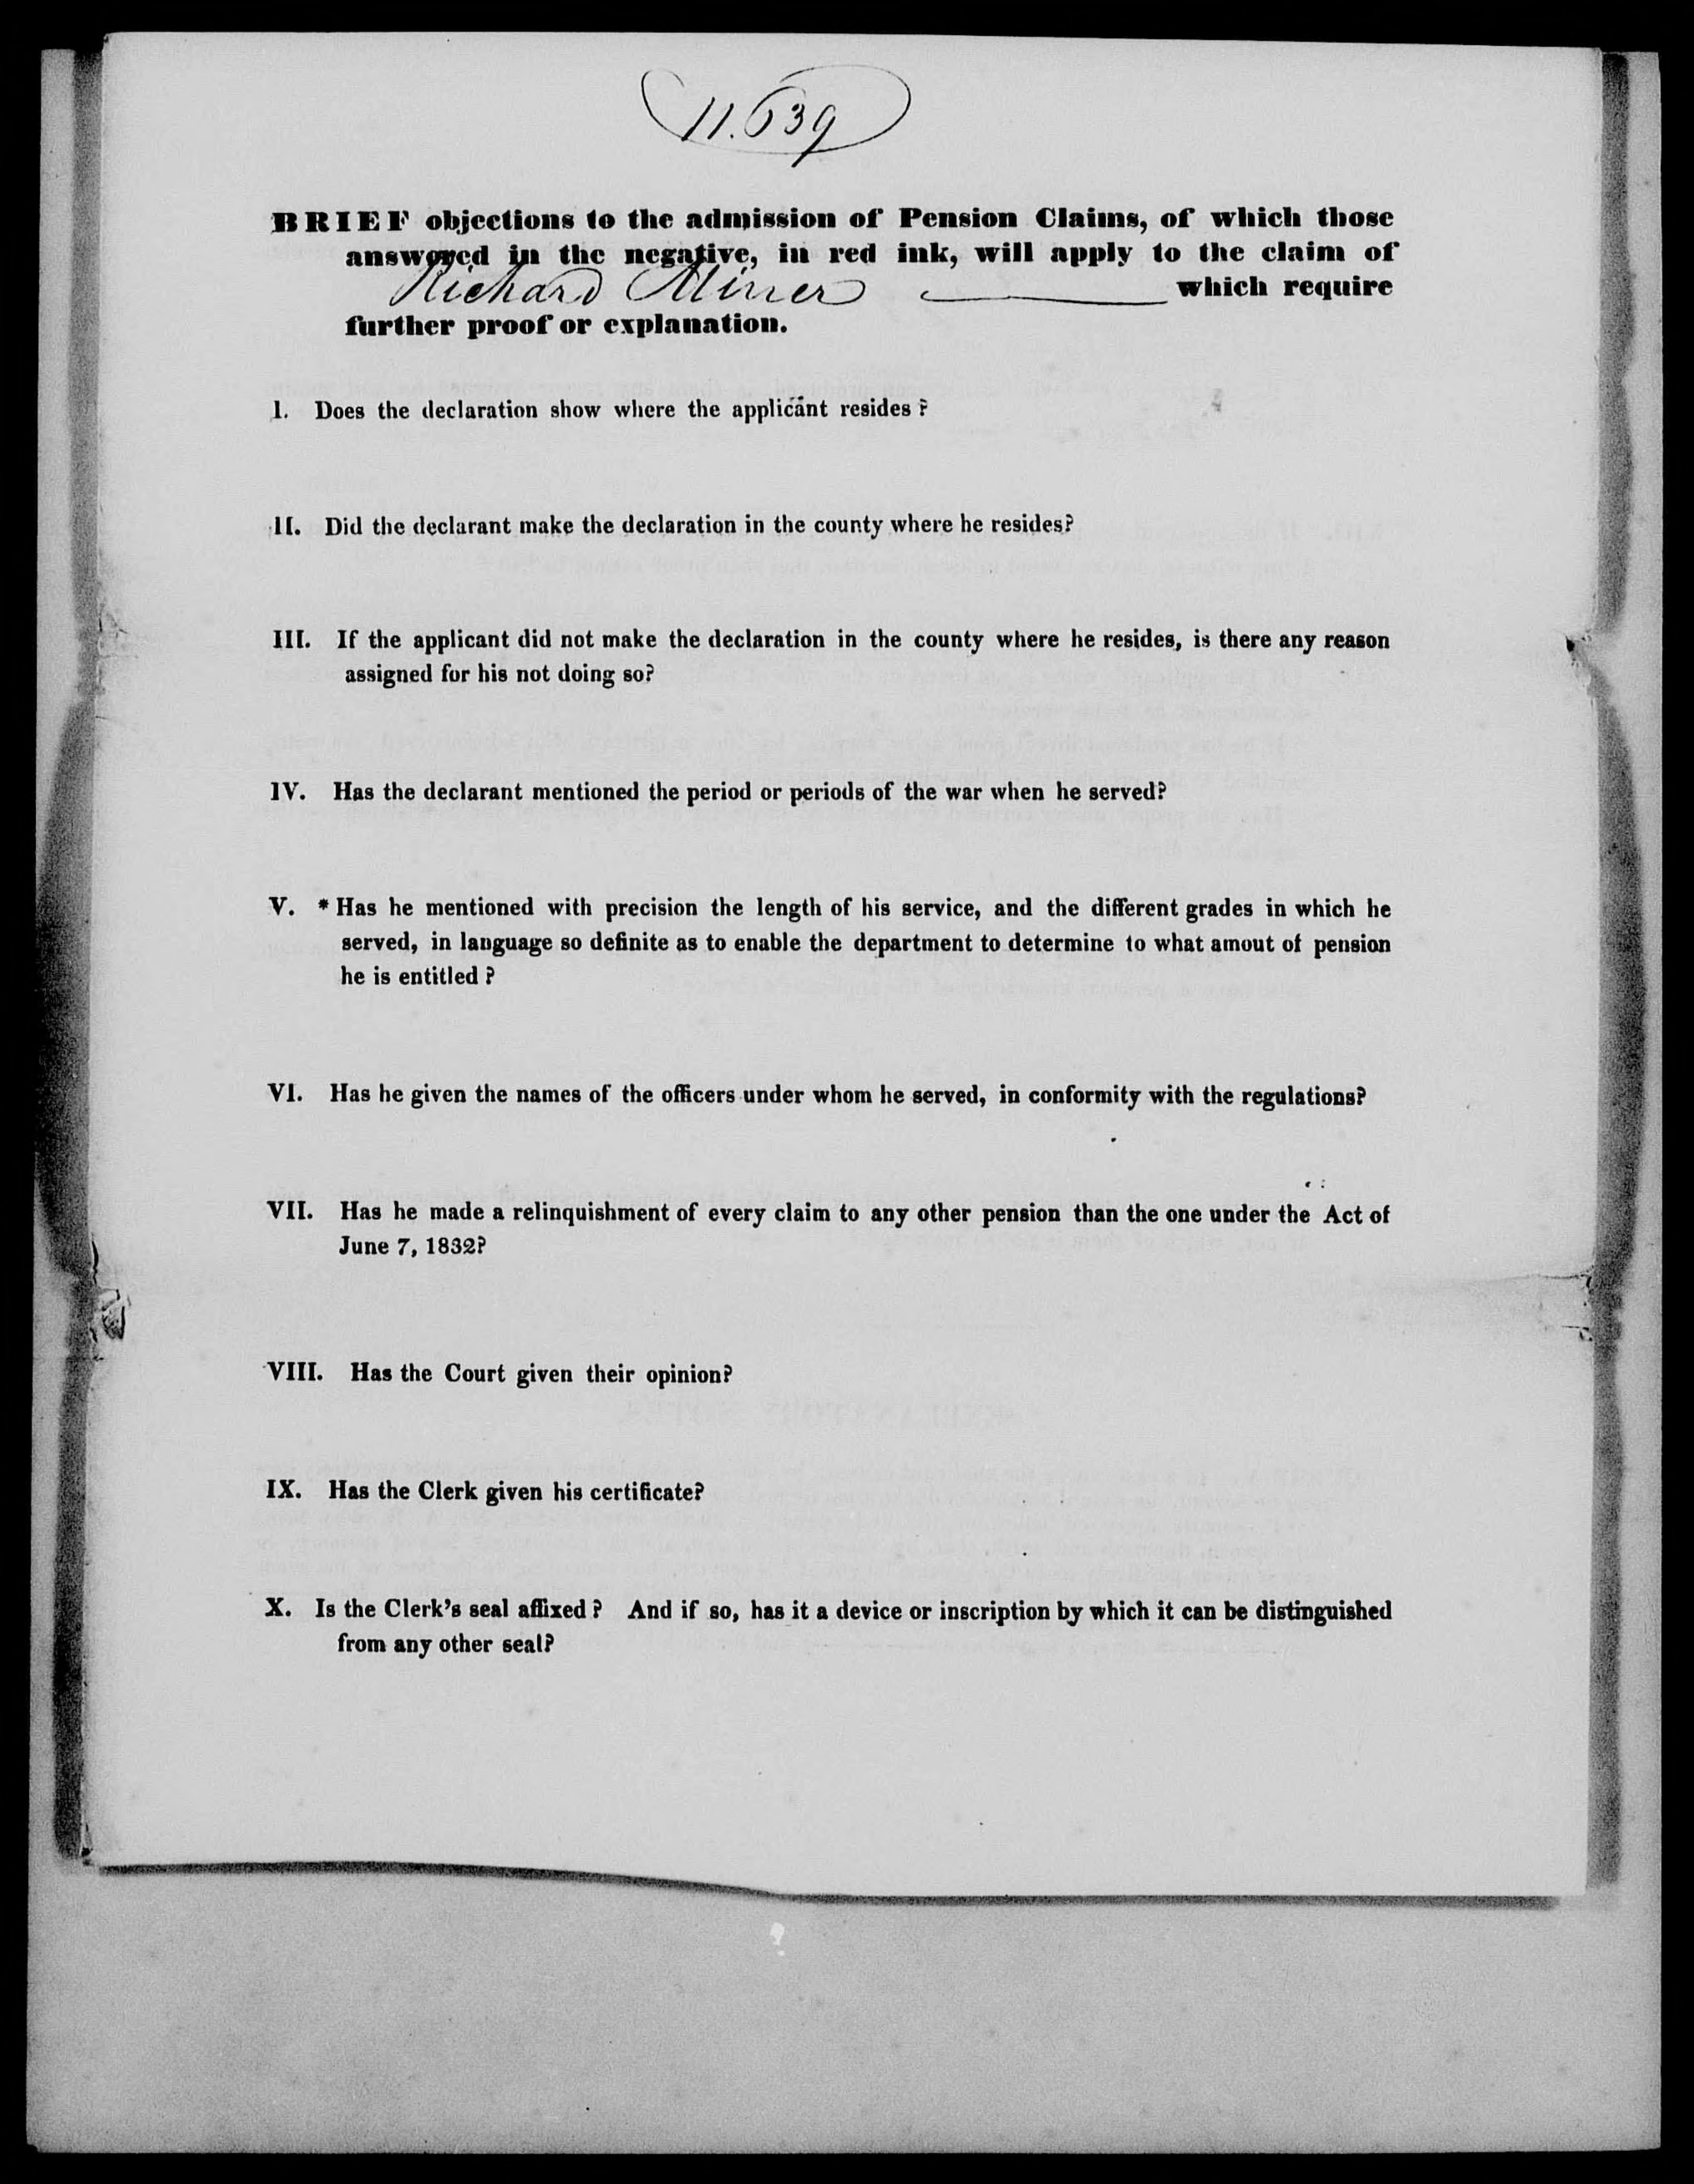11.639
BRIEF objections to the admission of Pension Claims, of which those answered in the negative, in red ink, will apply to the claim of Richard Miner _____ which require further proof or explanation.

I. Does the declaration show where the applicant resides?
II. Did the declarant make the declaration in the county where he resides? 
III. If the applicant did not make the declaration in the county where he resides, is there any reason assigned for his not doing so?
IV. has the declarant mentioned the period of periods of the war when he served?
V. * Has he mentioned with precision the length of his service, and the different grades in which he served, in language so definite as to enable the department to determine to what amout[sic] of pension he is entitled?
VI. Has he given the names of the officers under whom he served, in conformity with the regulations?
VII. Has he made a relinquishment of every claim to any other pension that the one under the Act of June 7, 1832?
VIII. Has the Court given their opinion?
IX. Has the Clerk given his certificate?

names: Richard Miner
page: 21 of 34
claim: survivor's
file: S. 13944, for Richard Miner, Massachusetts